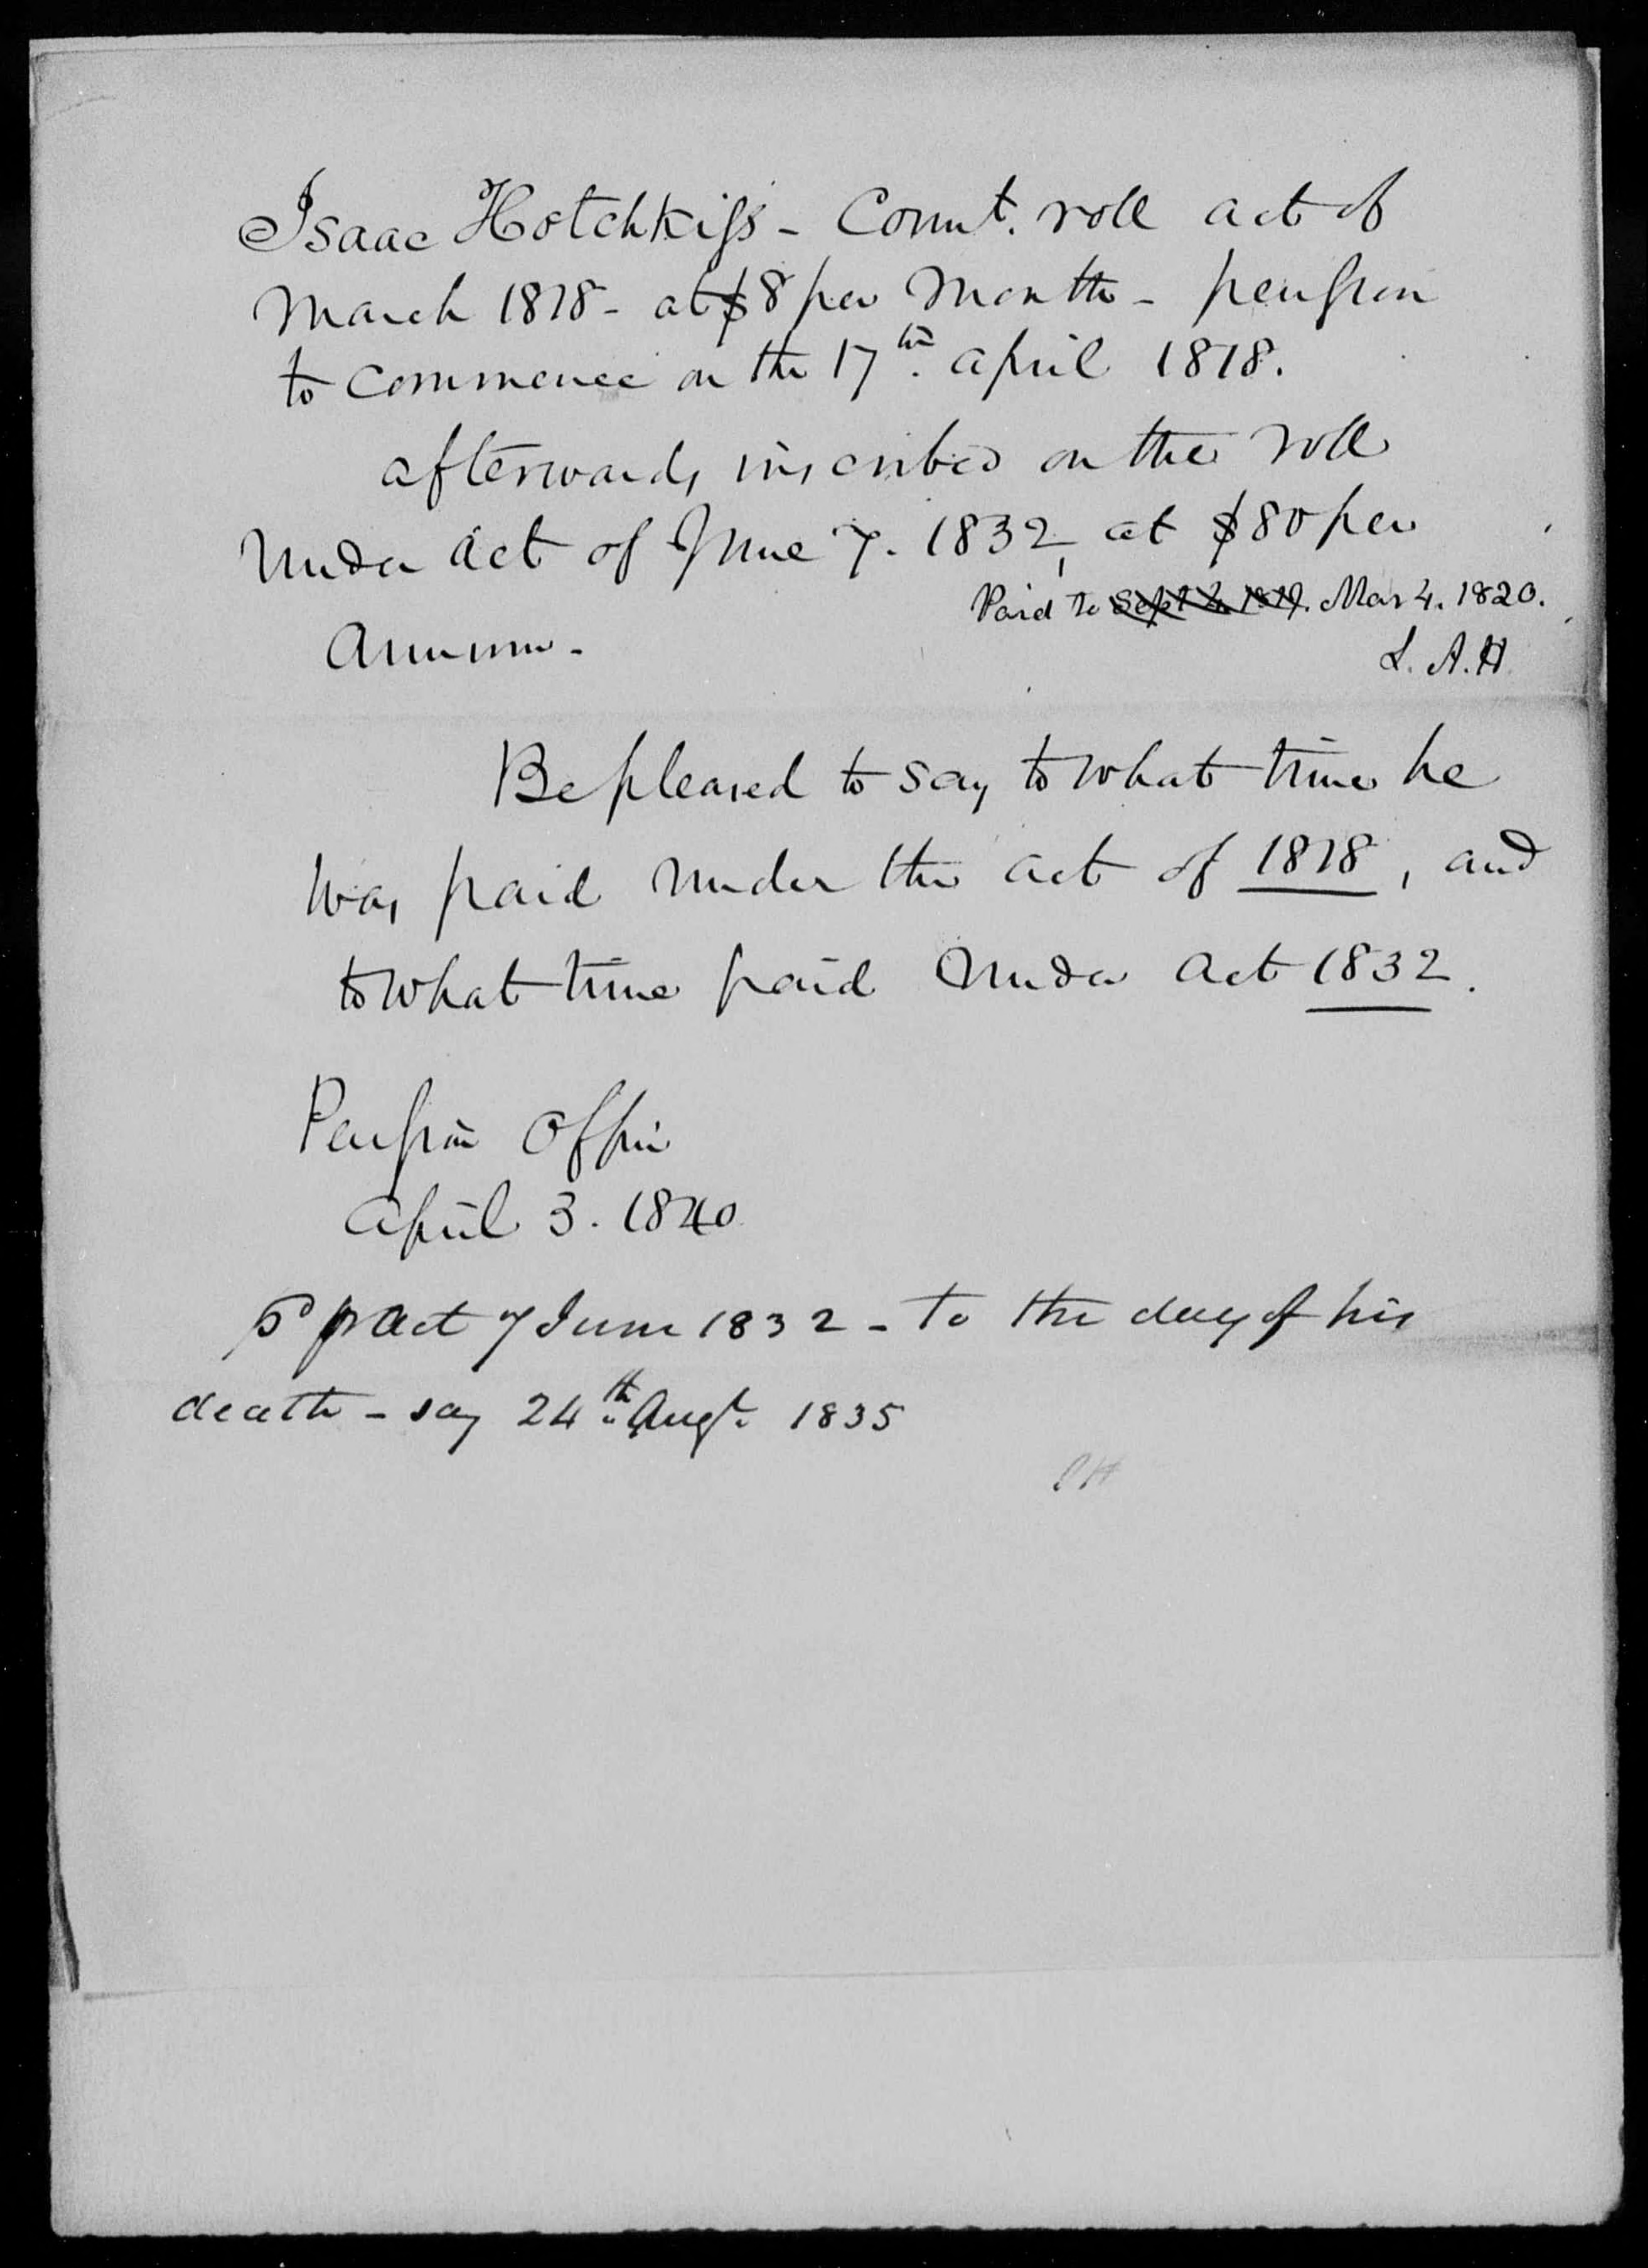Isaac Hotchkiss- Connt. roll act of March 1818- at $8 per month. pension to commence on the 17th April 1818.
Afterward inscribed on the roll under Act of June 7 1832 at $80 per annum. Paid to Sept 1 1839 [crossed through] Mar 4 1820
L.A.H.
Be pleased to say what times he was paid under the Act of 1818, and to what time paid under Act 1832.
Pension .
Office
April 3. 1840
P for act of June 1832- to the day of his death- day 24th Augt. 1835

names: Isaac Hotchkiss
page: 19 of 25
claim: widow's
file: W. 18,021, Isaac Hotchkiss, Conn.